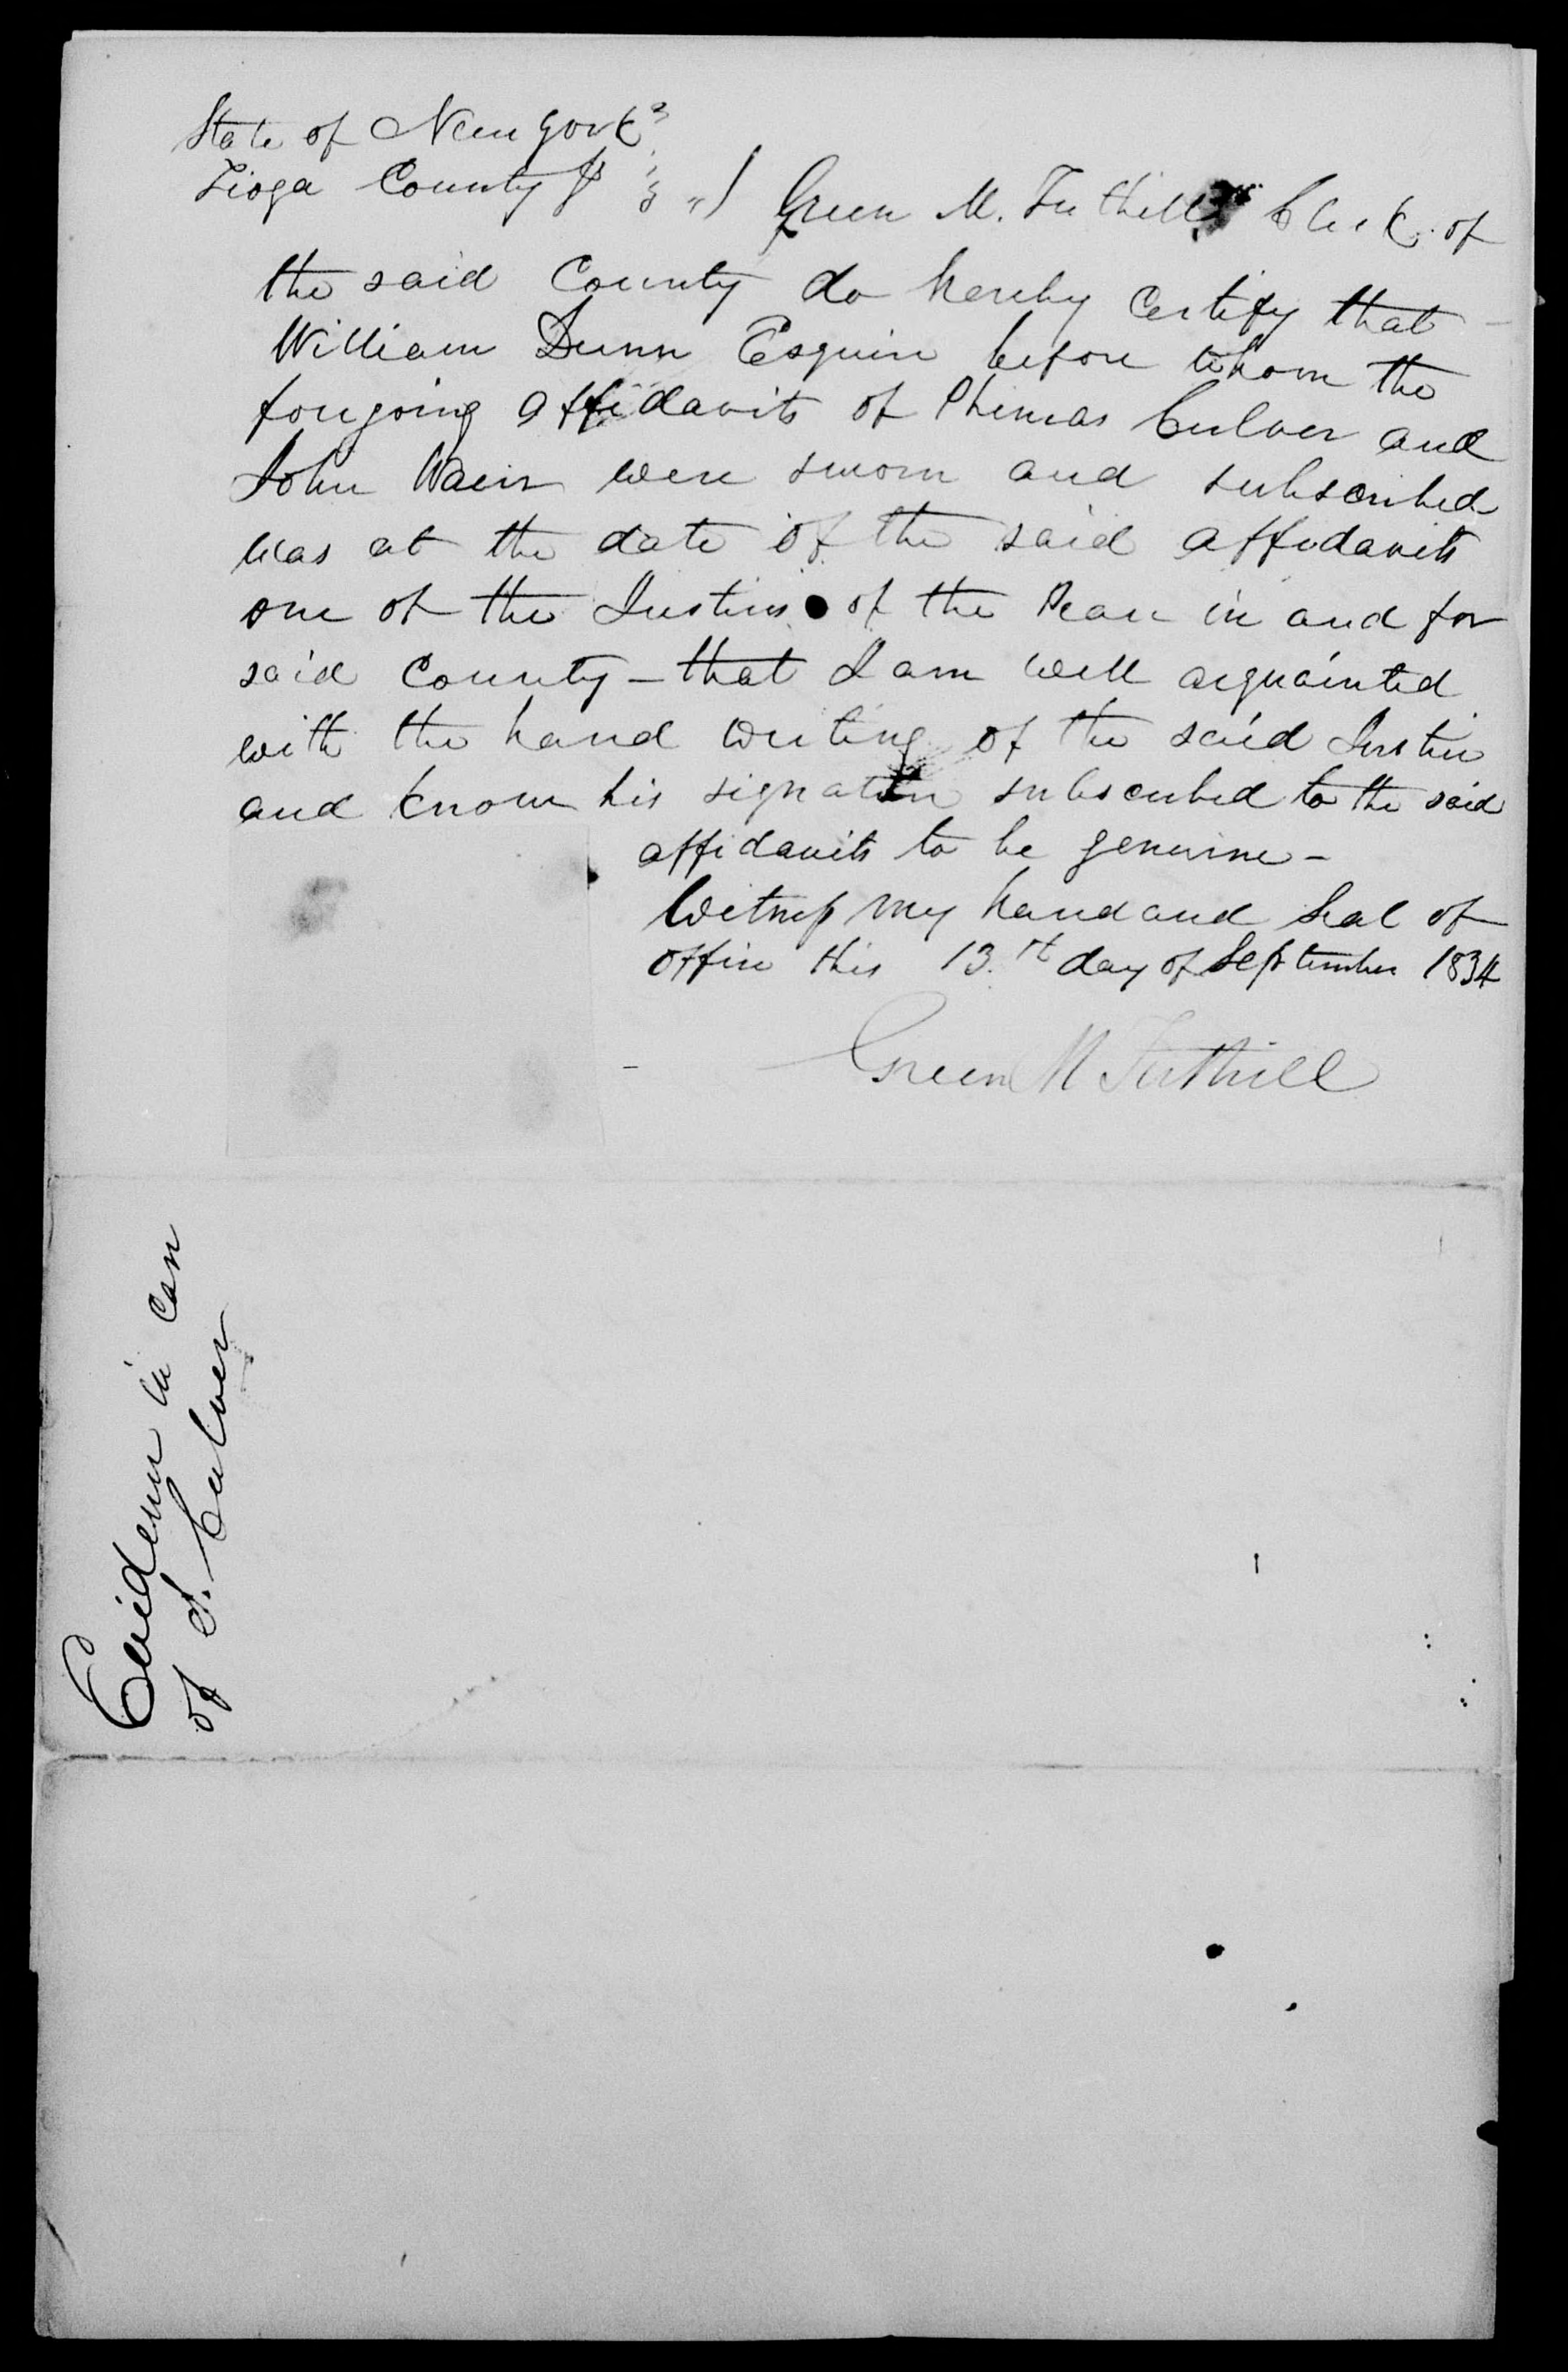State of New York  )
Tioga County  ss.   )  
  
I Green M. Tuthill, Clerk of 
the said County do hereby certify that
William Dunn Esquire before whom the
foregoing affidavits of Phineas Culver and
John Waeir were sworn and subscribed
was at the date of the said affidavits
one of the Justices of the Peace in and for
said county – that I am well acquainted
with the hand writing (sic) of the said Justice
and know his signature subscribed to the said
affidavits to be genuine – 

Witness my hand and Seal of 
Office this 13th day of September 1834
 Green M. Tuthill [signature]

[square piece of paper affixed to the document which does not contain anything illegible]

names: John Waeir, Phineas Culver, William Dunn, Green M Tuthill, Green M Tuthill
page: 40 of 40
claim: rejected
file: R. 1,570, Samuel Culver, New Jersey